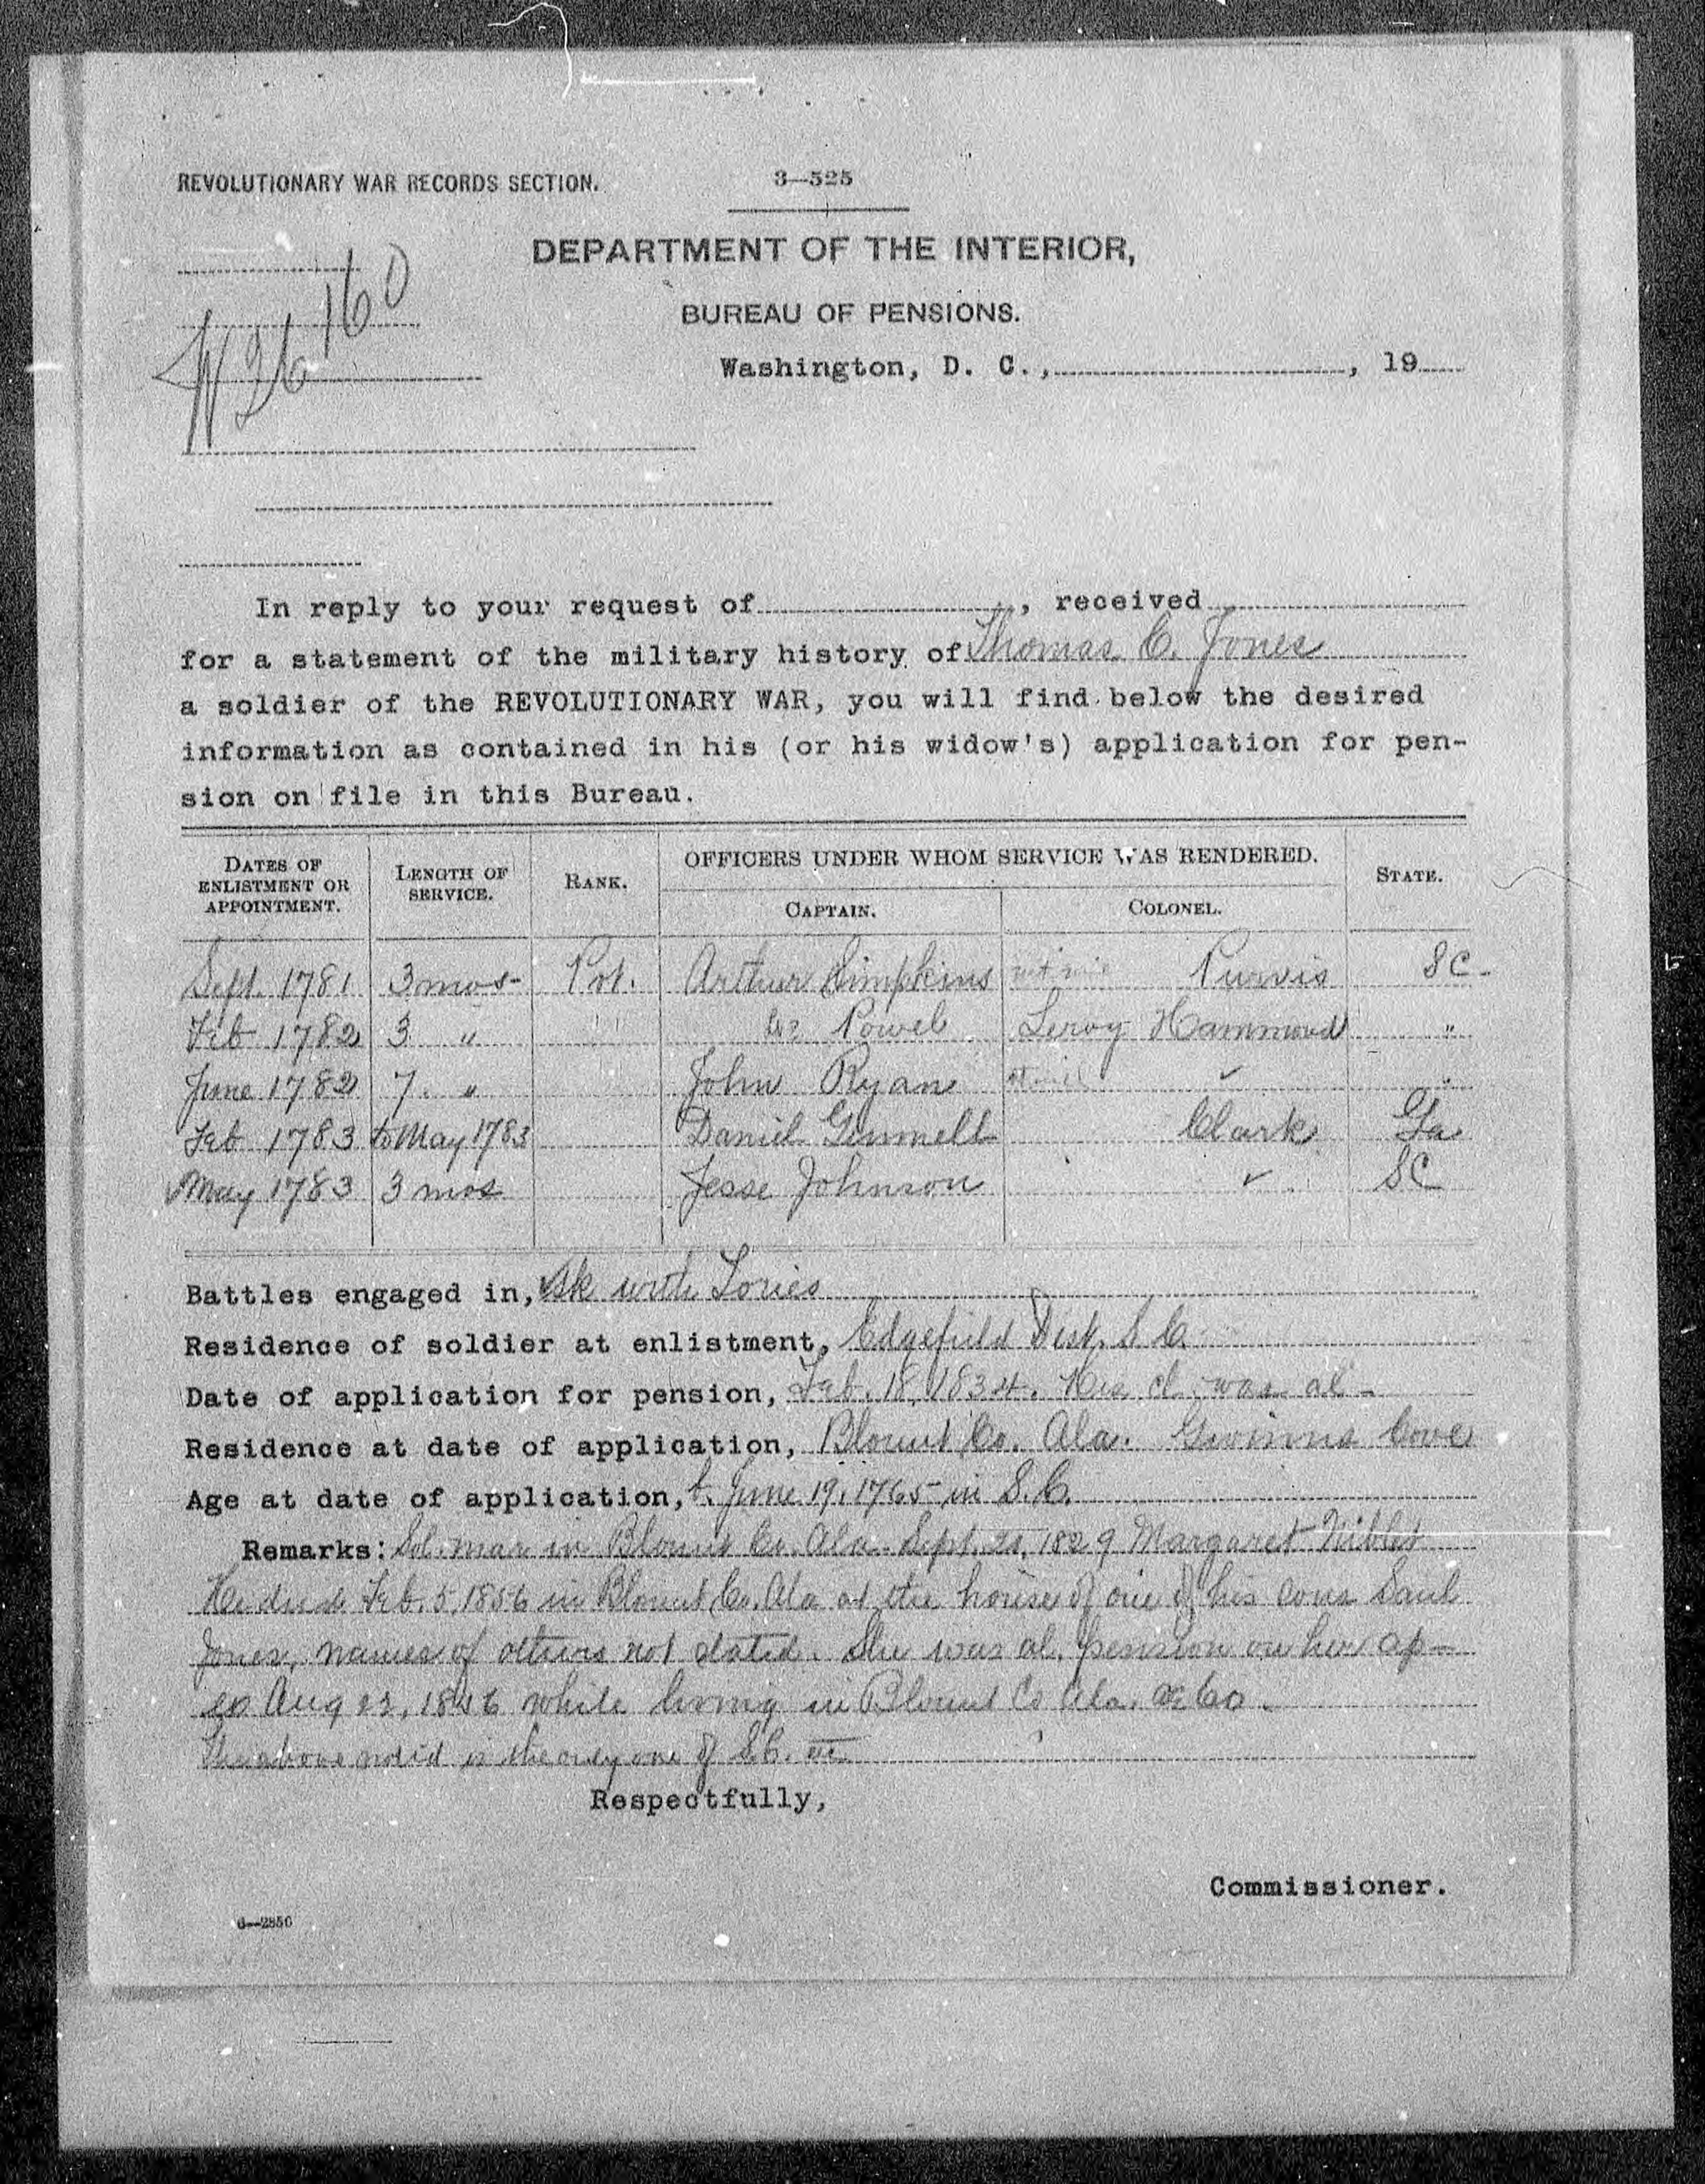REVOLUTIONARY WAR RECORDS SECTION
3-525
DEPARTMENT OF THHE INTERIOR
BUREAU OF PENSIONS
Washington D.C.
W26160

In reply to your request of [blank], received [blank]
for a statement of the military history of Thomas C. Jones
a soldier of the REVOLUTIONARY WAR, you will find below the desired
information as contained in his(or his widow's) application for pen-
sion on file in this Bureau.

DATES OF ENLISTMENT OR APPOINTMENT
Sept 1781
Feb 1782
June 1782
Feb 1783
May 1783

LENGTH OF SERVICE
3 mos
3 "
7 "
to May 1783
3 mos

RANK
Pvt.

OFICER UNDER WHO SERVICE WAS RENDERED

CAPTAIN
Arthur Simpkins
[illegible] Powel
John Ryan
Daniel Gunnell
Jesse Johnson

COLONEL
Purvis
Leroy Hammond
[check mark]
Clark
[check mark]

STATE
S.C.
"
"
Ga
SC

Battles engaged in, sk with Tories
Residence of soldier at enlistment, Edgefield Dist. S.C.
Date of application for pension, Feb 18,1834 
 His cl was al
Residence at date of application, Blount Co. Ala. Guinns Cove
Age at date of application, b. June 19, 1765 in S.C.
Remarks:  Sol mar in Blount Co. Ala. September 21 1829 Margaret Niblet
He died Feb 5, 1856 in Blount Co. Ala. at the home of one of his sons Saul
Jones, names of others not stated.  She was al pension on her ap
on Aug 22, 1856 while living in Blount Co. Ala. age 60.
The above [illegible] is the only one of S.C. 
Respectfully,
Commissioner
G--2850 [form number]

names: Jesse Johnson; Arthur Simpkins; John Ryan; Margaret Niblet; Saul Jones; [BLANK] Clark; Leroy Hammond; [BLANK] Purvis; Daniel Gunnell; Thomas C Jones; [BLANK] Powel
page: 45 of 45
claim: widow's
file: W. 26160, for Thomas C Jones, Georgia